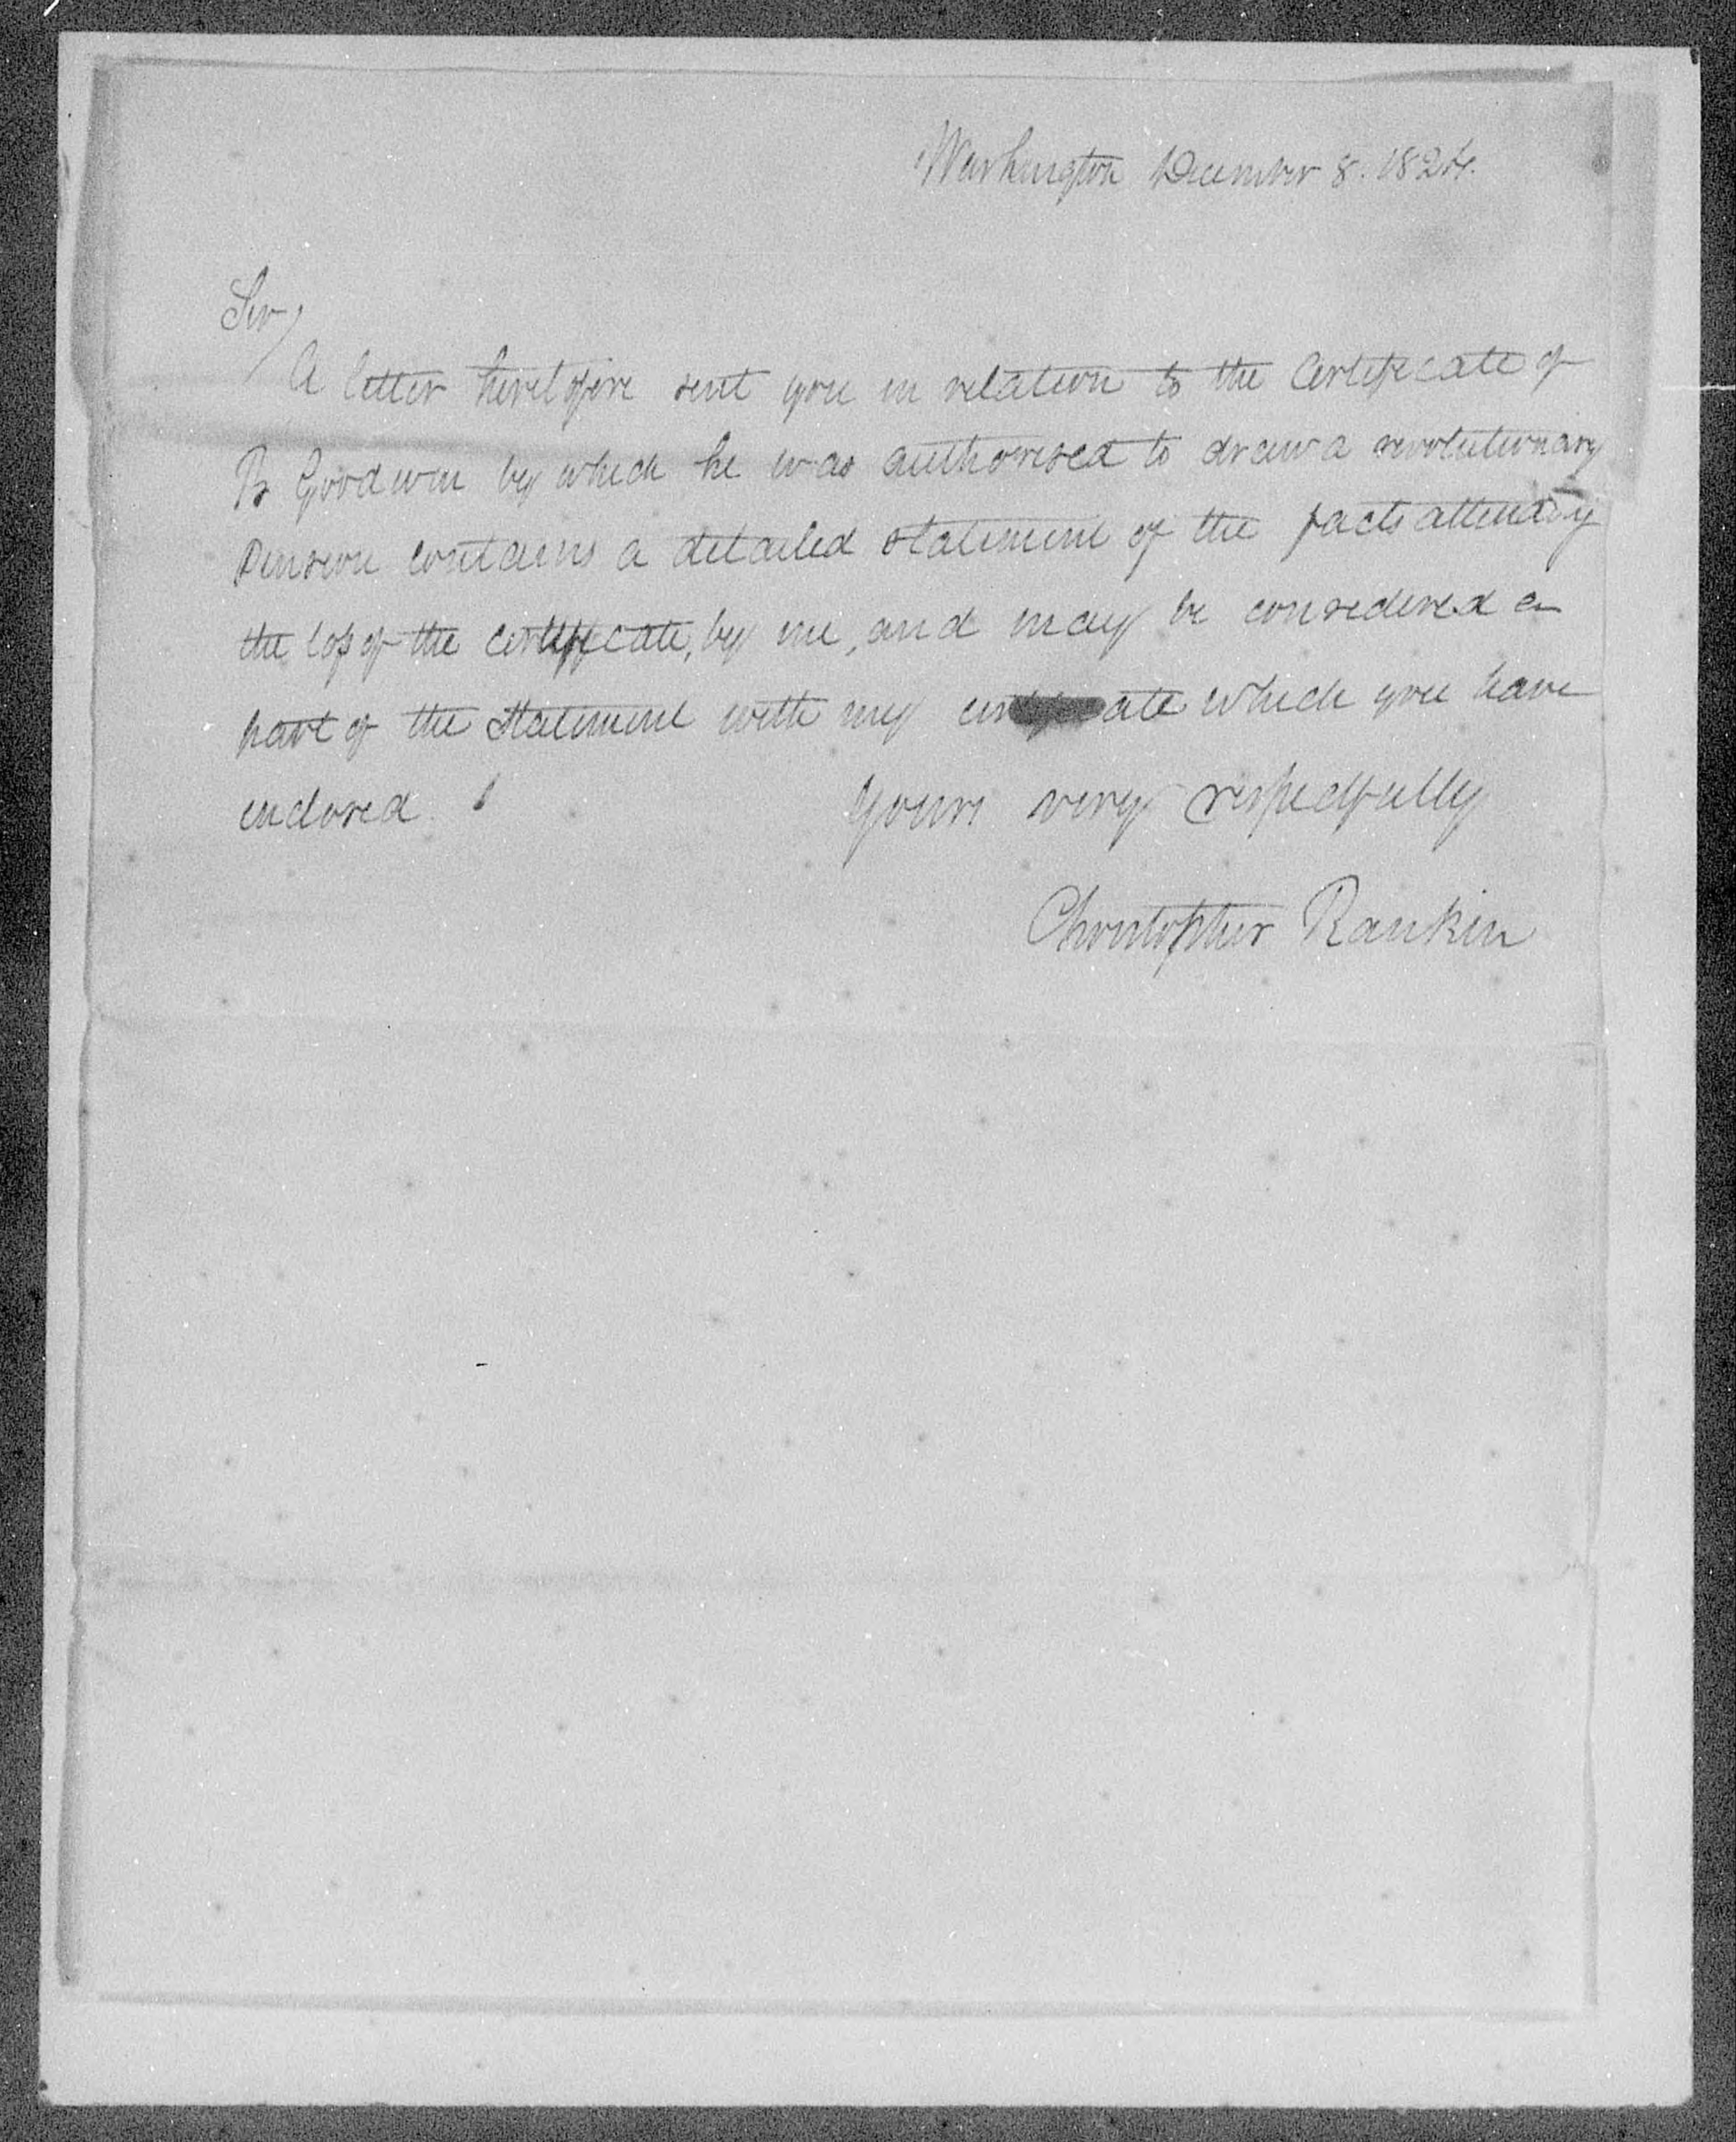Washington December 8, 1824.
Sir,
A letter heretofore sent you in relation to the Certificate of B Goodwin by which he was authorised to draw a revolutionary pension contains a detailed statement of the facts attending the top of the certificate, by me, and may be considered a part of the statement with my certificate which you have enclosed.
Yours very respectfully
Christopher Rankin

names: Christopher Rankin, B Goodwin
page: 19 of 24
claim: survivor's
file: S. 34903, Benjamin Goodwin, Va.